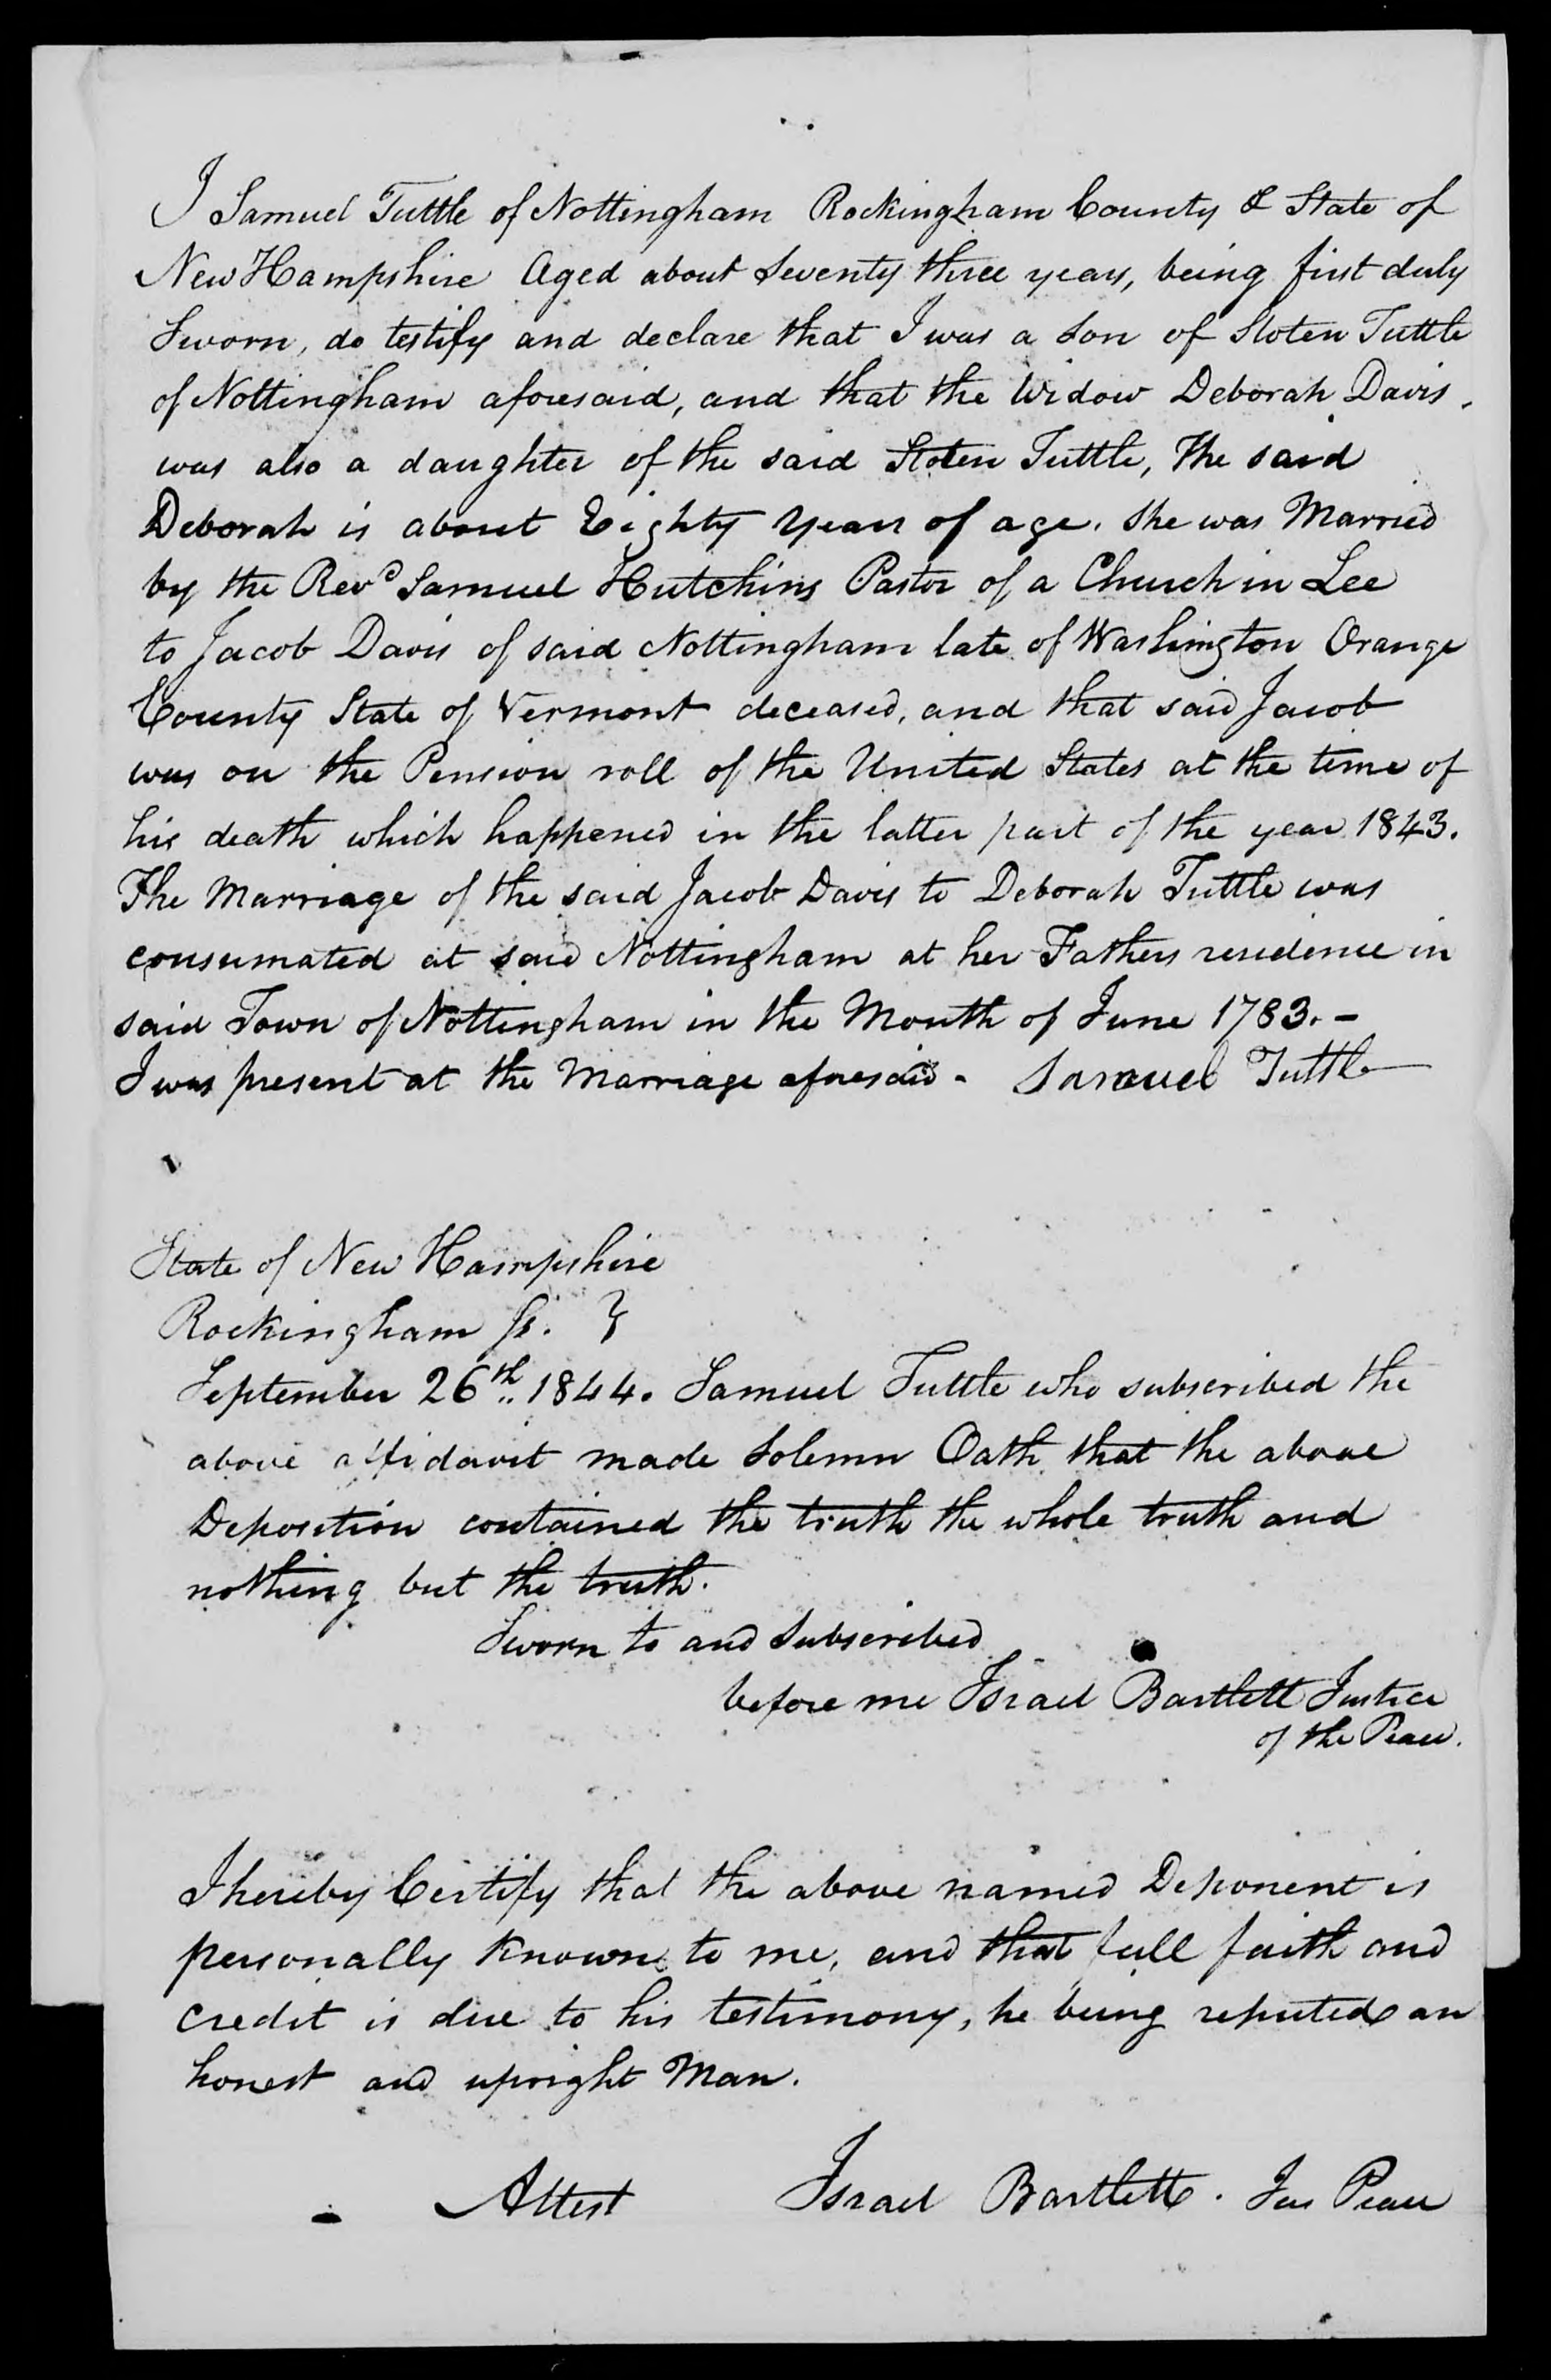I Samuel Tuttle of Nottingham Rockingham County and State of New Hampshire Aged about seventy three years, being first duly Sworn, do testify and declare that I was a Son of Stoten Tuttle of Nottingham aforesaid, and that the widow Deborah Davis was also a daughter of the said Stoten Tuttle, The said Deborah is about Eighty years of age. She was Married by the Revd Samuel Hutchins Pastor of a Church in Lee to Jacob Davis of said Nottingham late of Washington Orange County State of Vermont deceased, and that said Jacob was on the Pension roll of the United States at the time of his death which happened in the latter part of the year 1843. The Marriage of the said Jacob Davis to Deborah Tuttle was consumated [consummated] at said Nottingham at her Fathers residence in said Town of Nottingham in the Month of June 1783- I was present at the Marriage aforesaid, Samuel Tuttle

State of New Hampshire
Rockingham ss.
September 26th 1844. Samuel Tuttle who subscribed the
above affidavit made Solemn Oath that the above
Deposition contained the truth the whole truth and
nothing but the truth.
Sworn to and subscribed
before me Israel Bartlett Justice of the Peace

I hereby Certify that the above named Deponent is
personally known to me, and that full faith and
credit is due to his testimony, he being reputed an
honest and upright man.
Attest
Israel Bartlett, Jus Peace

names: Samuel Tuttle, Deborah Davis, Samuel Tuttle, Samuel Tuttle, Deborah Tuttle, Jacob Davis, Stolen Tuttle, Jacob Davis, Jacob, Samuel Hutchins, Israel Bartlett, Deborah, Stolen Tuttle, Israel Bartlett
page: 35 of 47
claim: widow's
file: W. 24043, Jacob Davis, N.H.